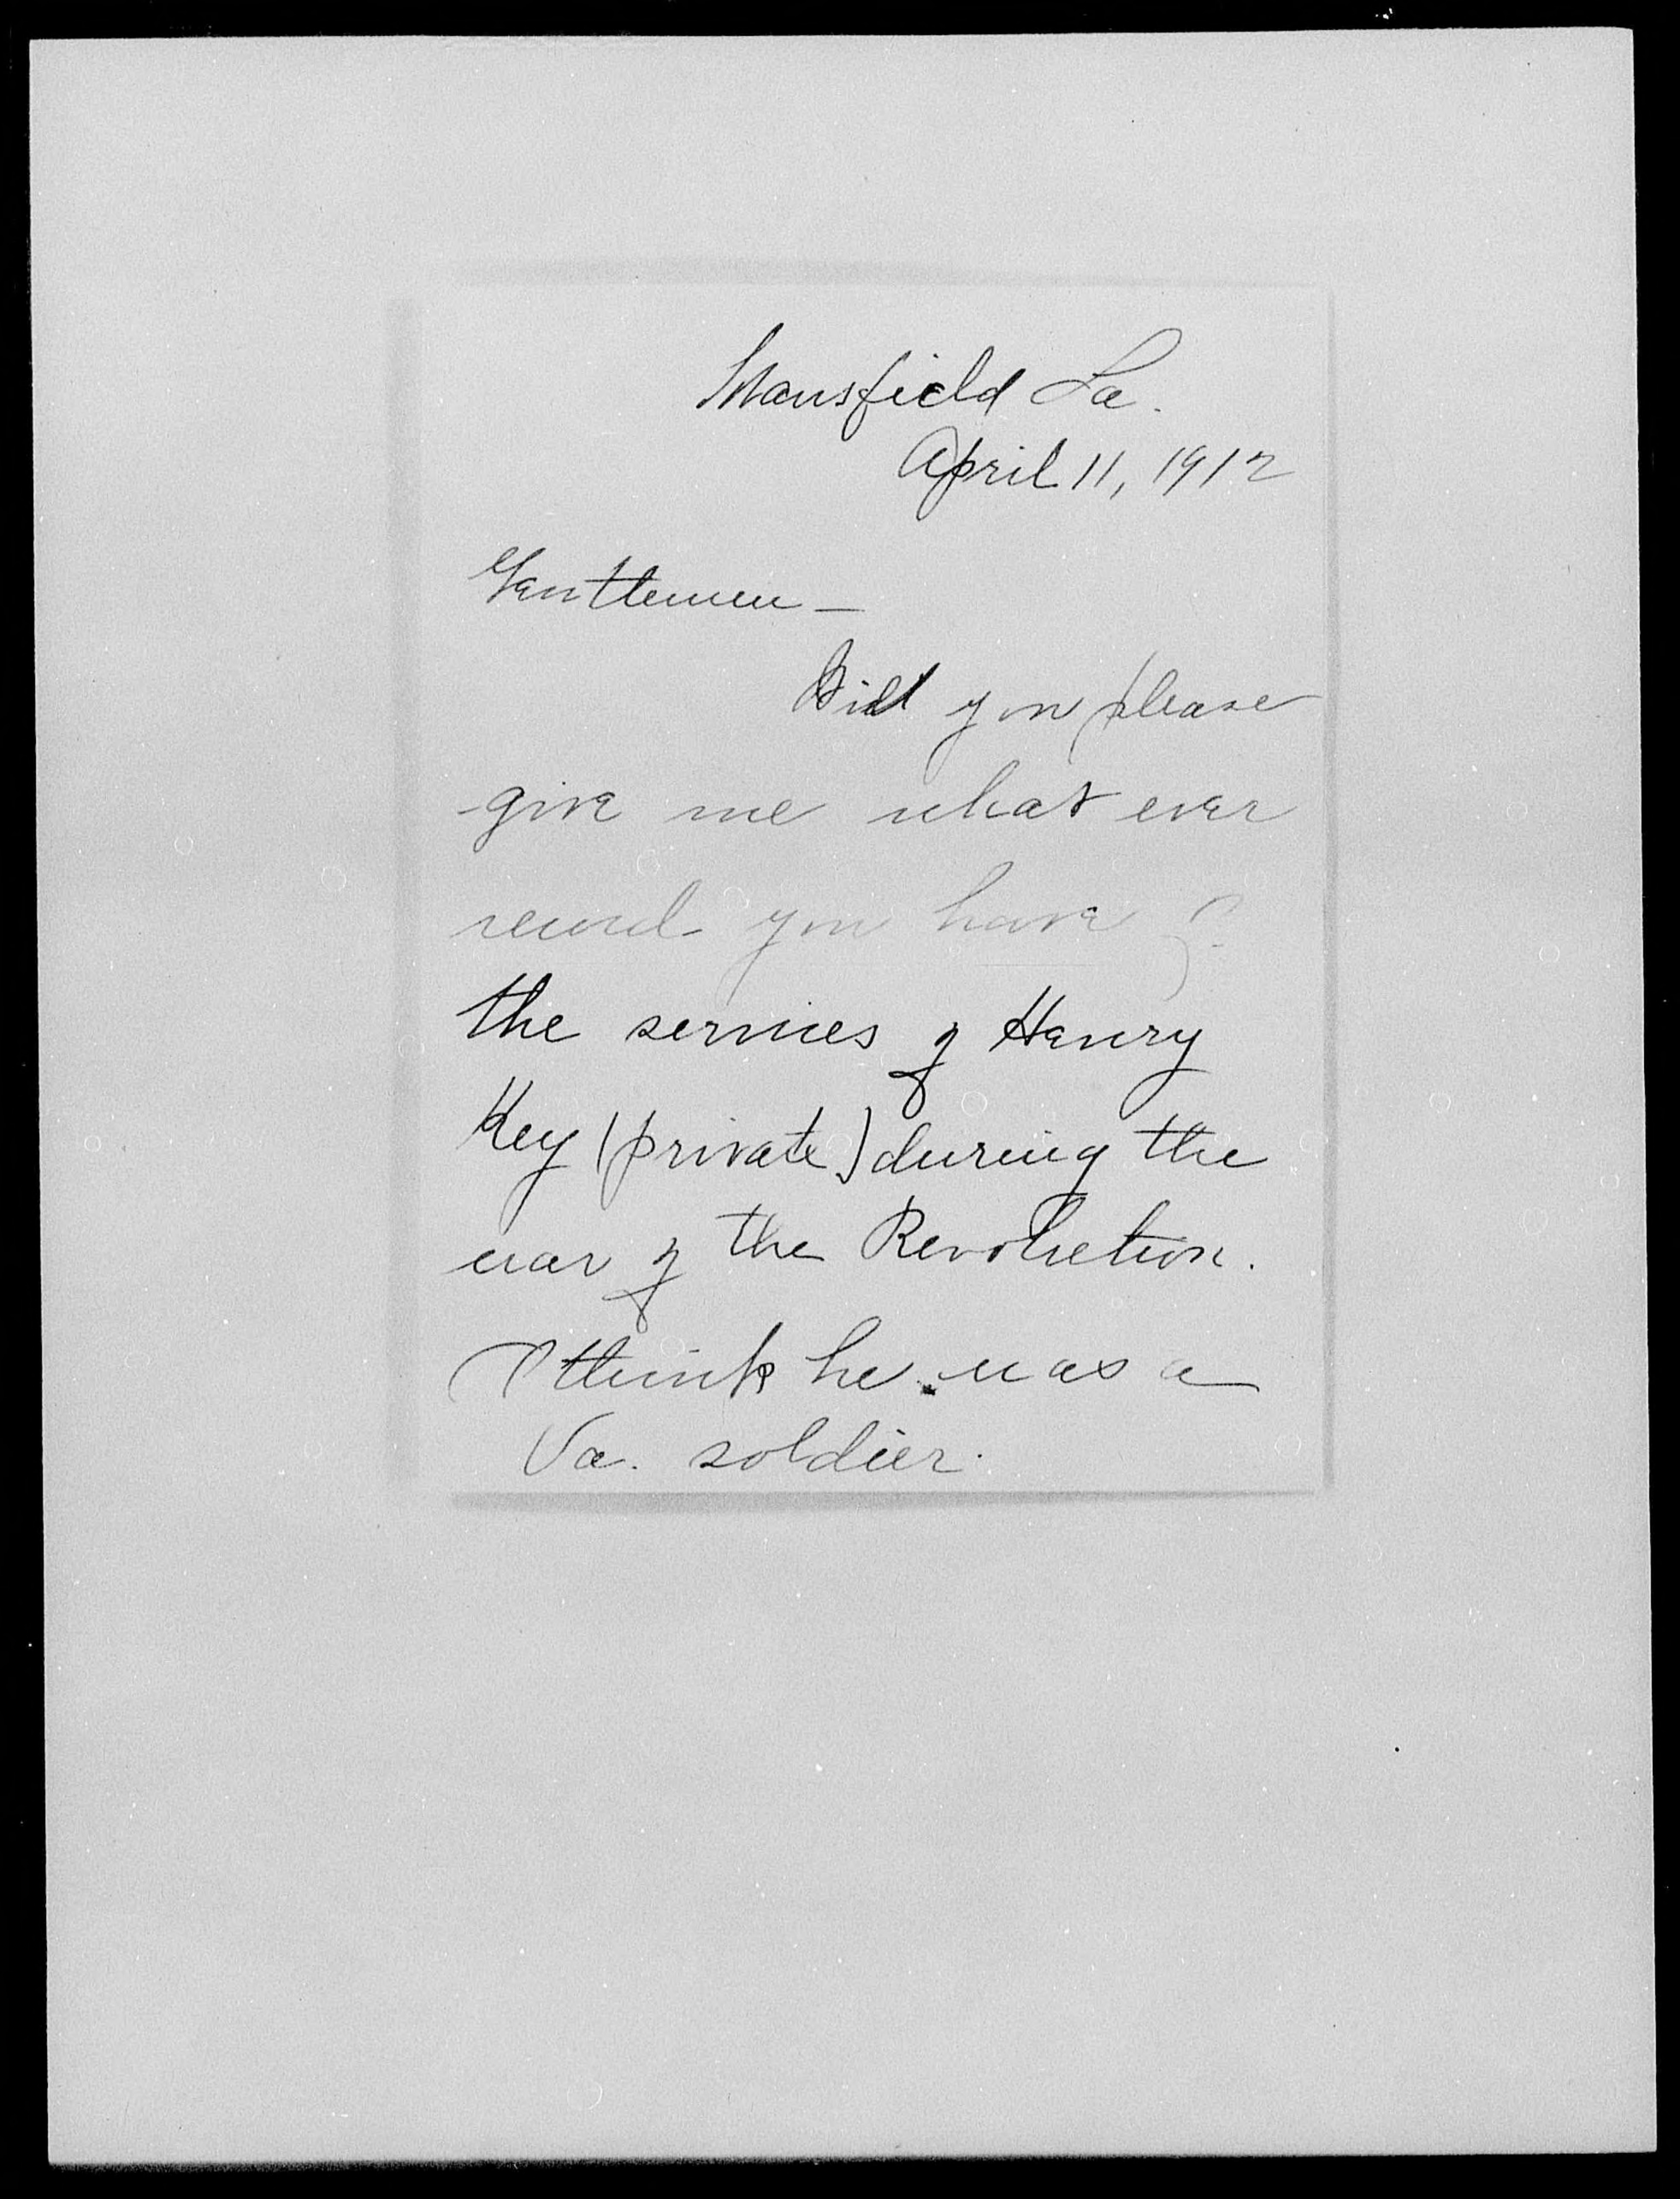Page 18

Mansfield Ja
April 11, 1912
Gentlemen ---

Will you please
O
give me what ever
record you have
the services
of Henry
Key private) during the
was of
the Revolution
think he was a
a soldier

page: 18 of 25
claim: survivor's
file: S 38116, for Henry Key, Virginia